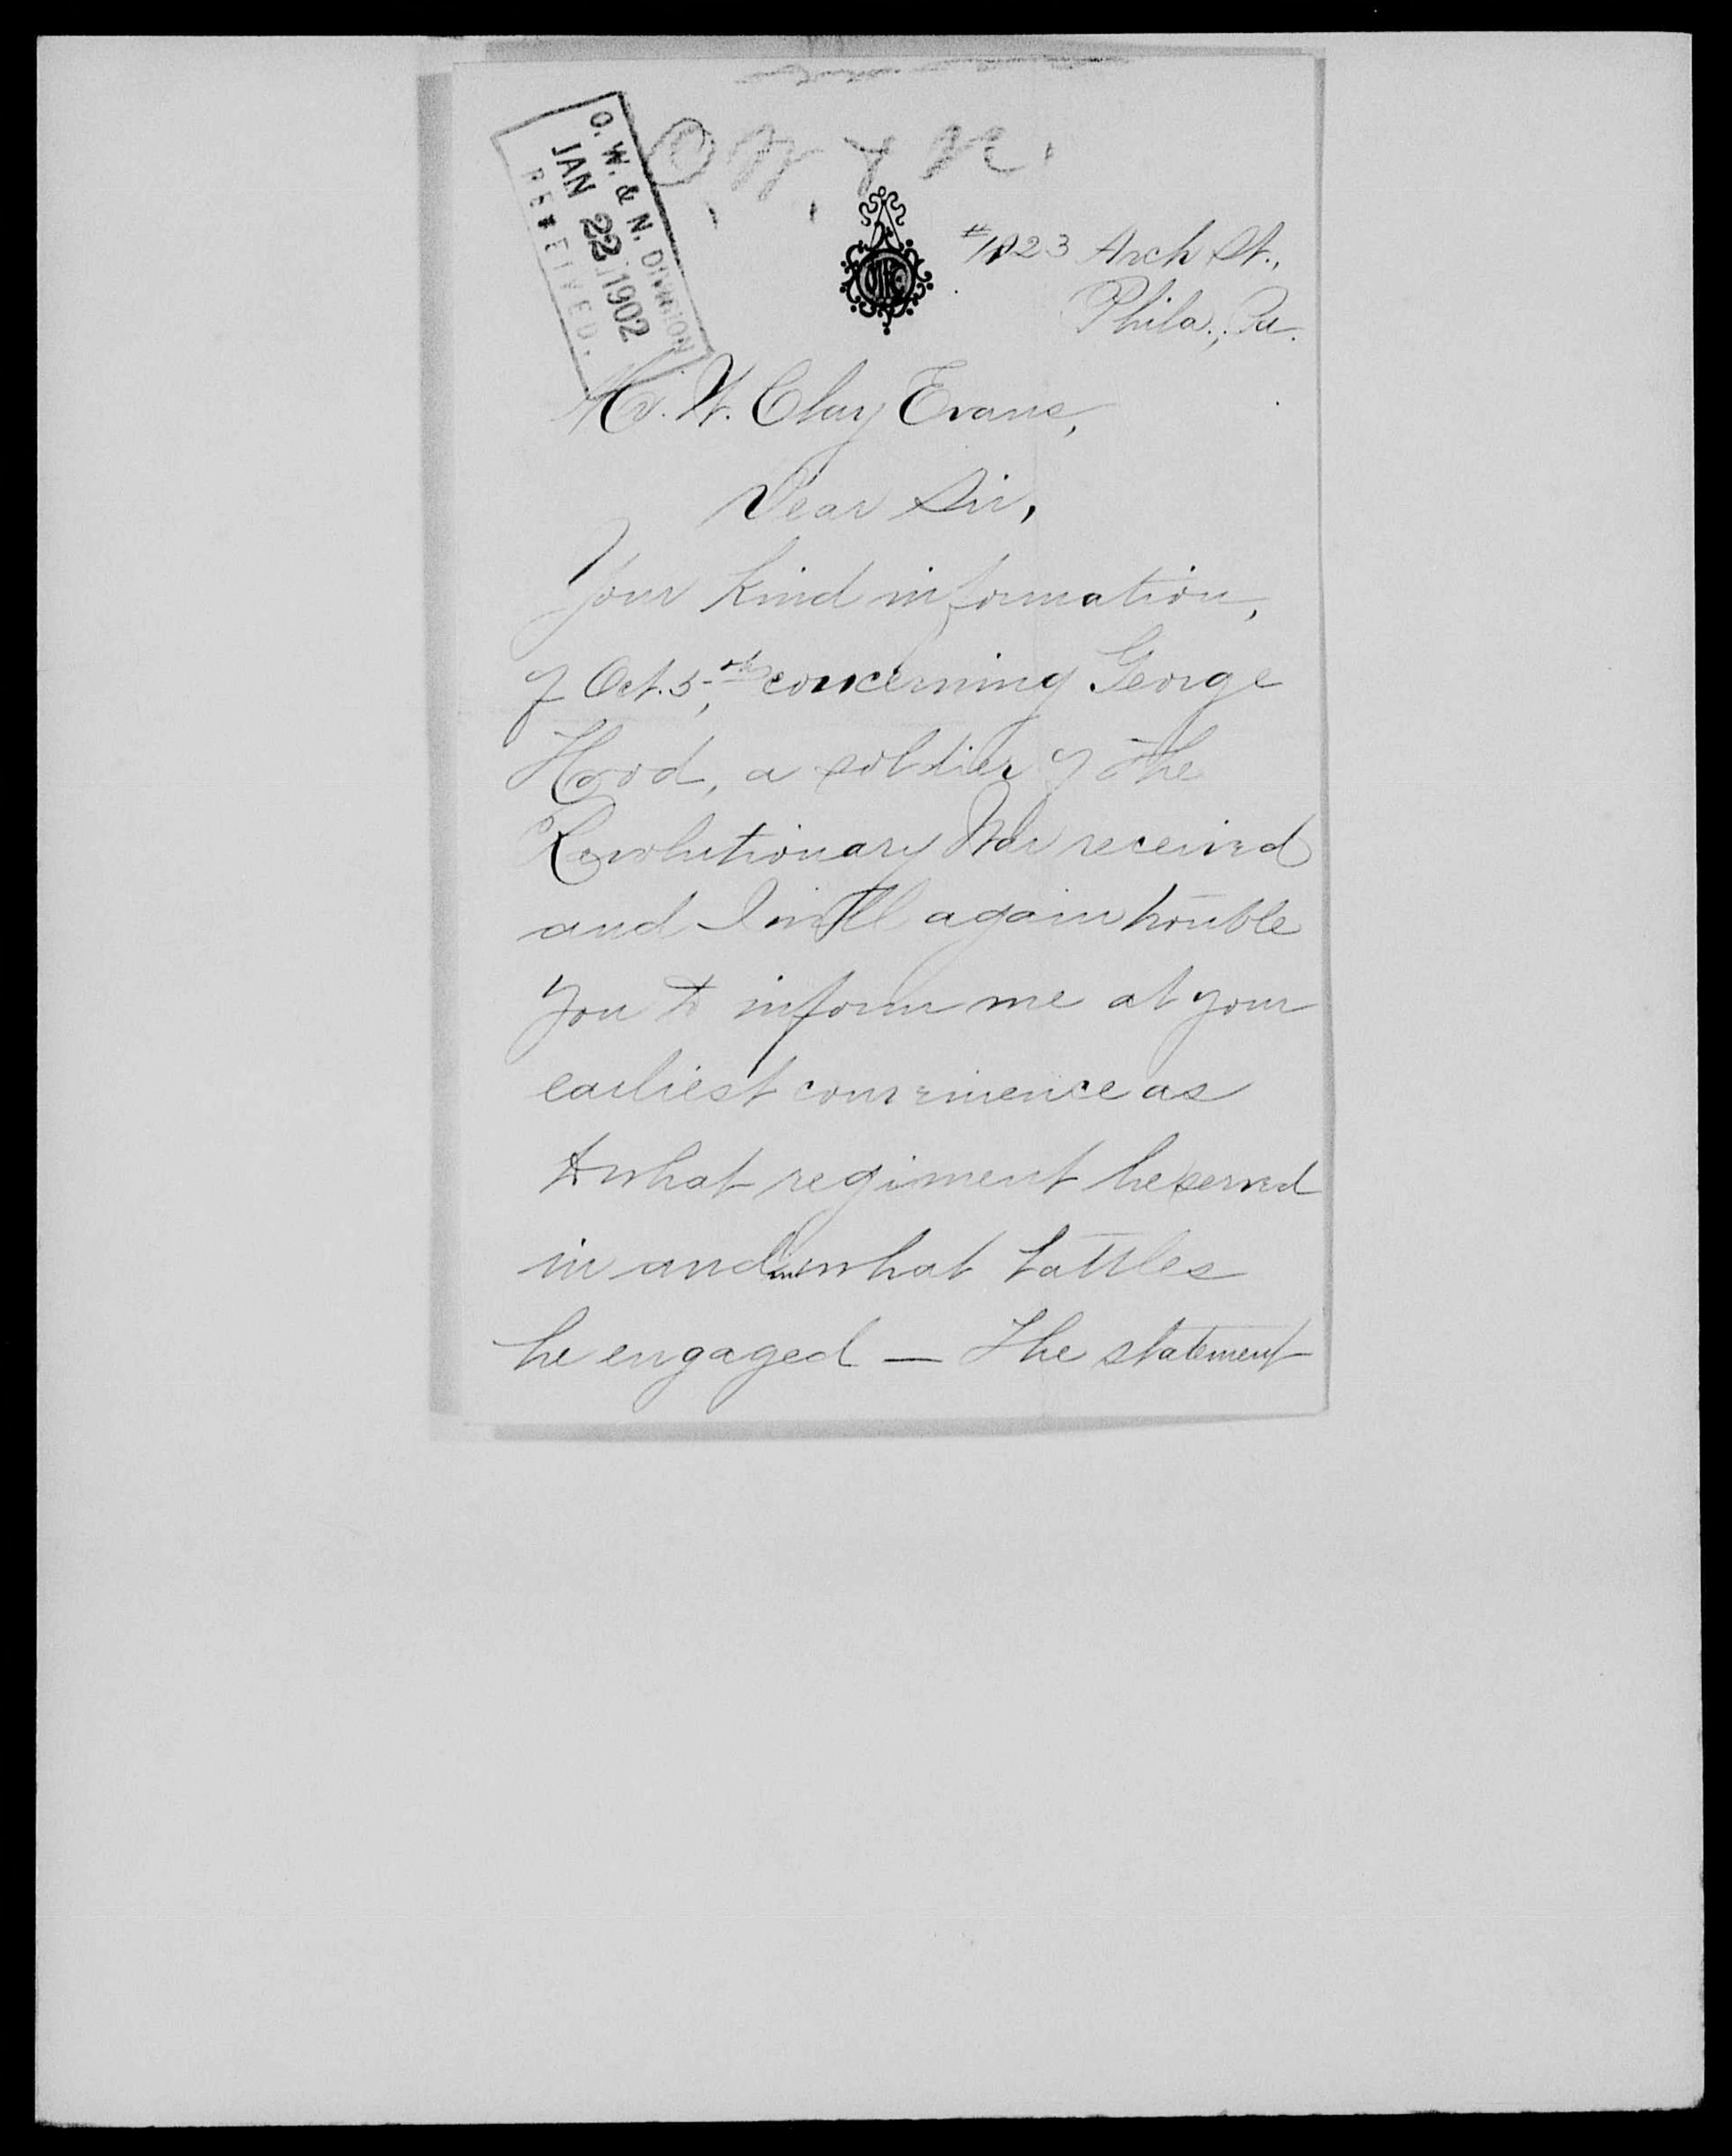W. Clay Evans,
Please sir,
Your kind information of October 5th concerning George Hood, a soldier of the Revolutionary War received [Illegible].
You [are] to inform me of your earliest convenience as to which Regiment he served in and what battles he engaged – the statement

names: George Hood, W Clay Evans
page: 15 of 51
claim: widow's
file: W 8939, George Hood, Continental Va.